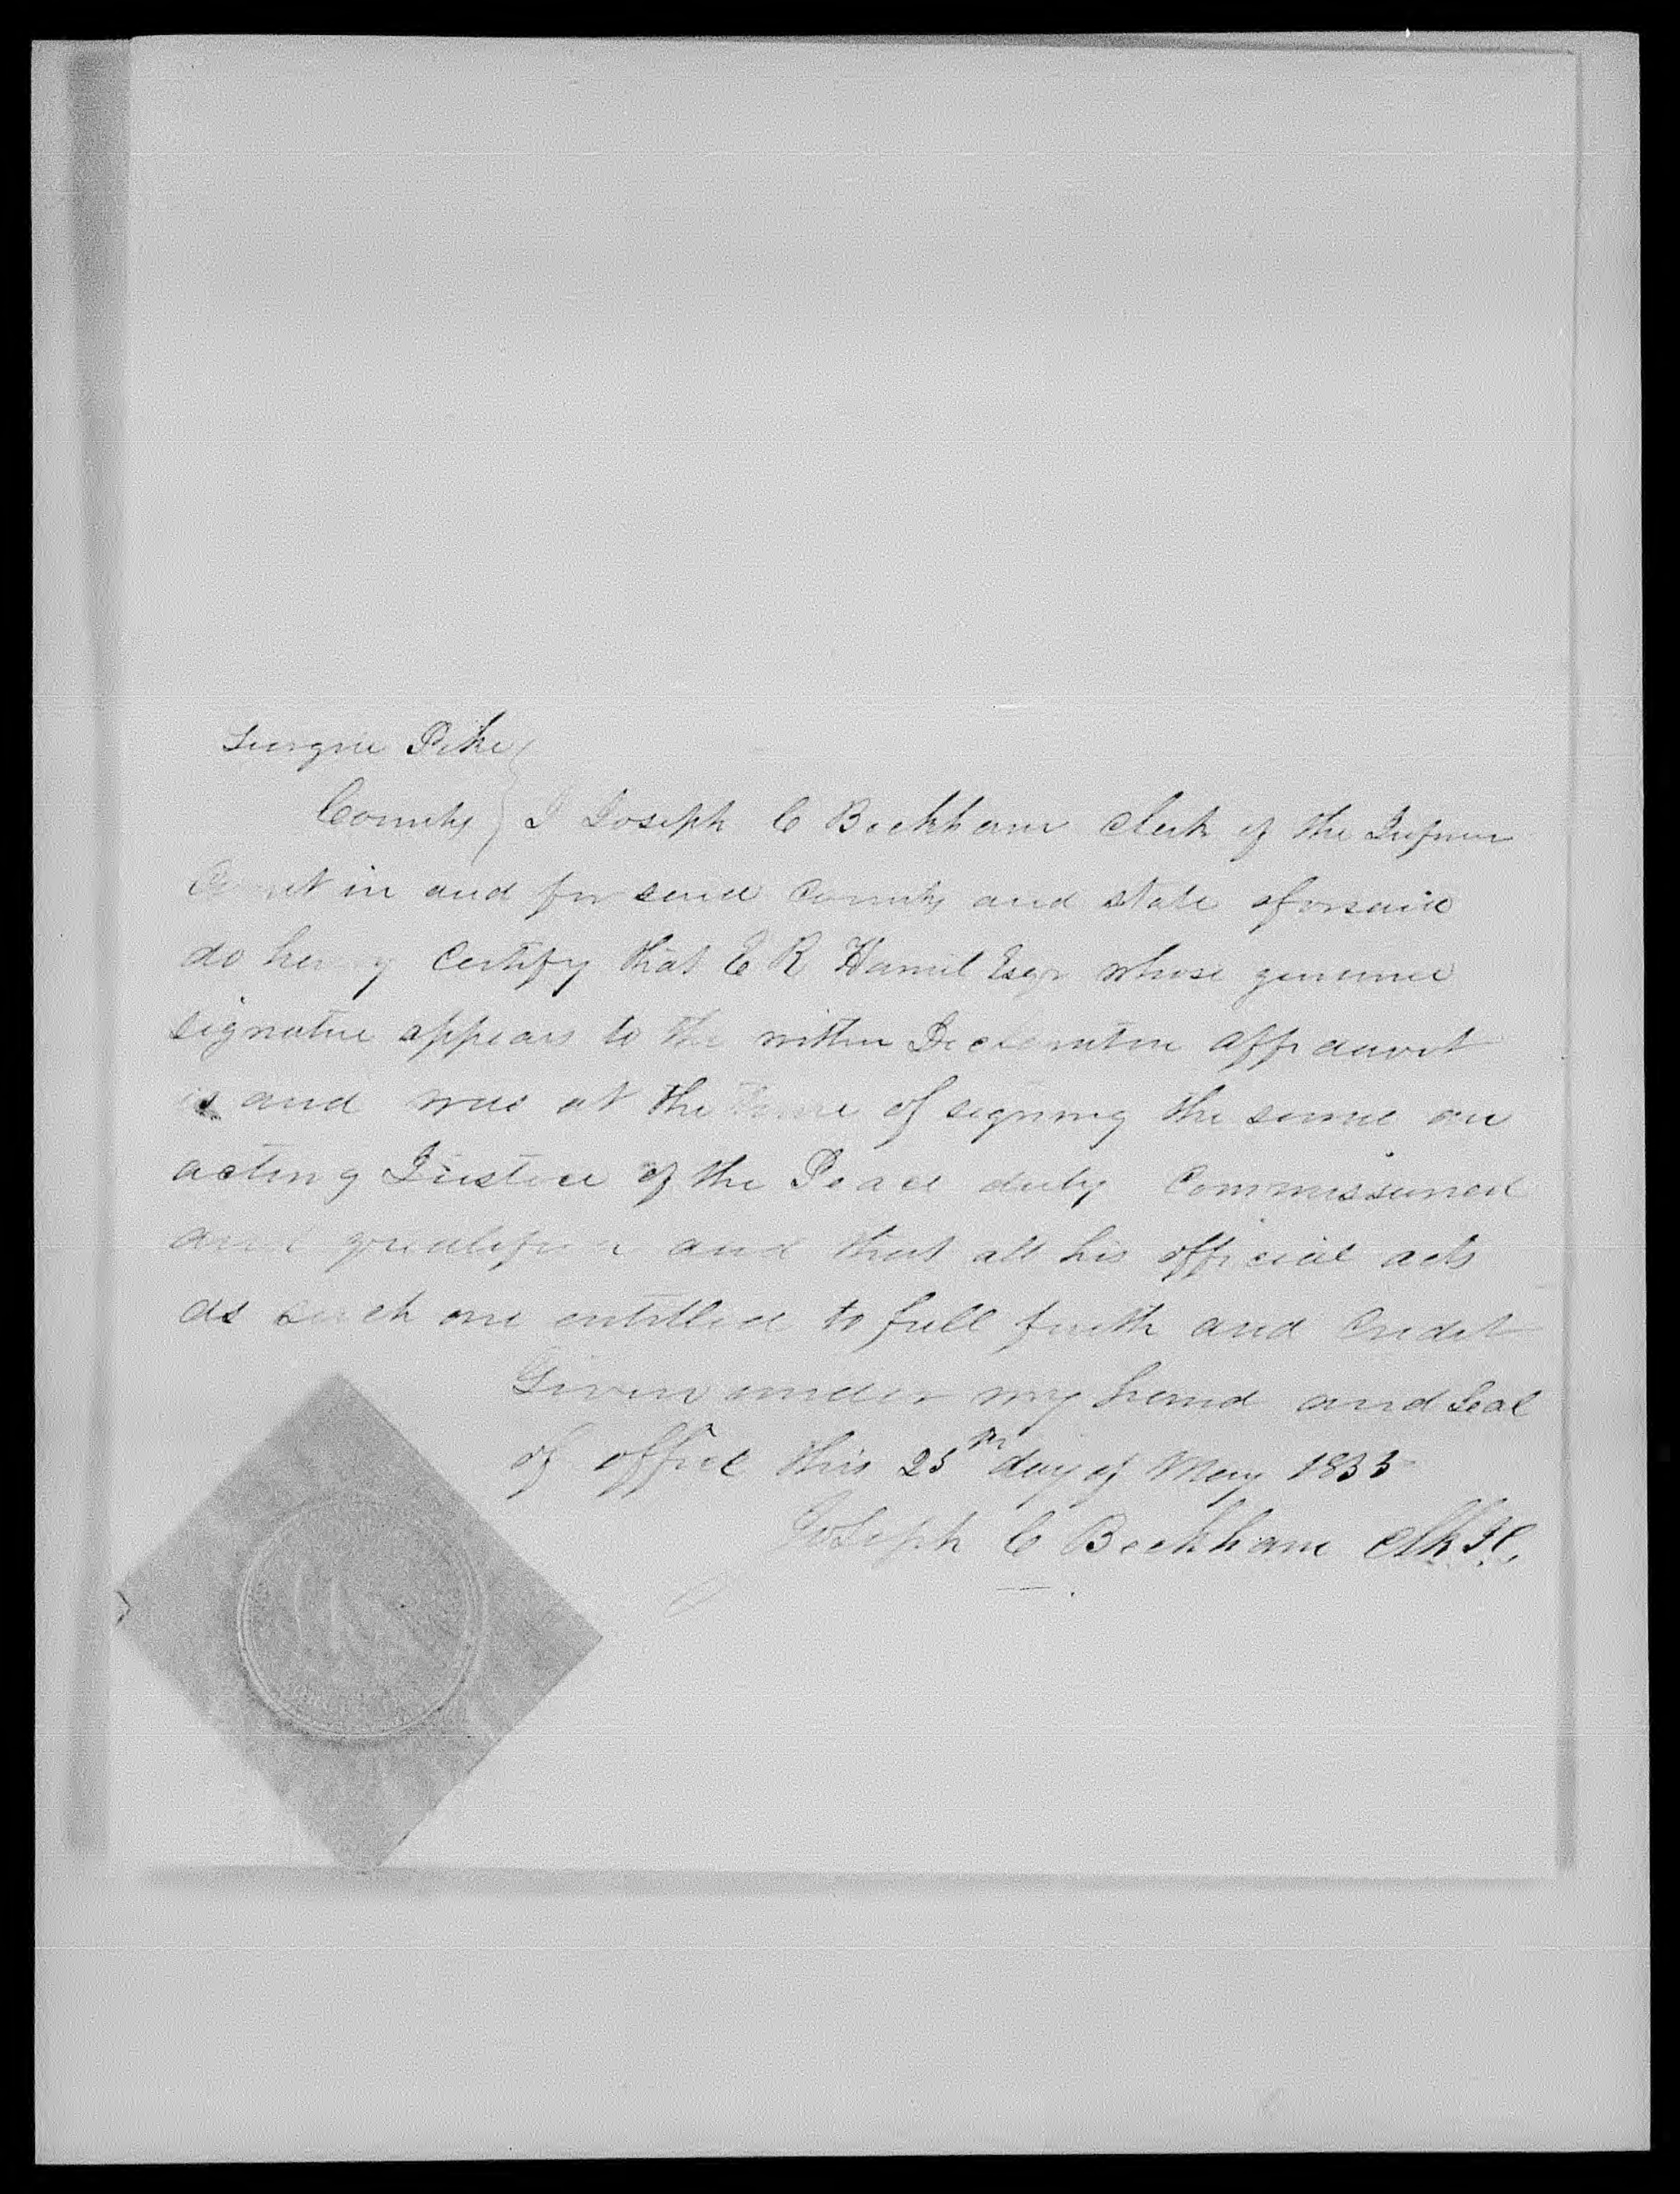[illegible] Pike County
I Joseph C Beckham Clerk of the Inferior court in and for said County and State aforsaid
do hereby certify that E R Hamil Esqr whose genuine signature appears to the within Declaration affidavit and was at the time of signing the same one acting Justice of the Peace duly commissioned and qualified and that all his official acts as such one entitled to full faith and credit
Given under my hand and seal
of office this 25th day of May 1833
Joseph C Beckham Clk. J.P.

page: 19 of 55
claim: widow's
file: W. 7894, for John Jenkins, Virginia